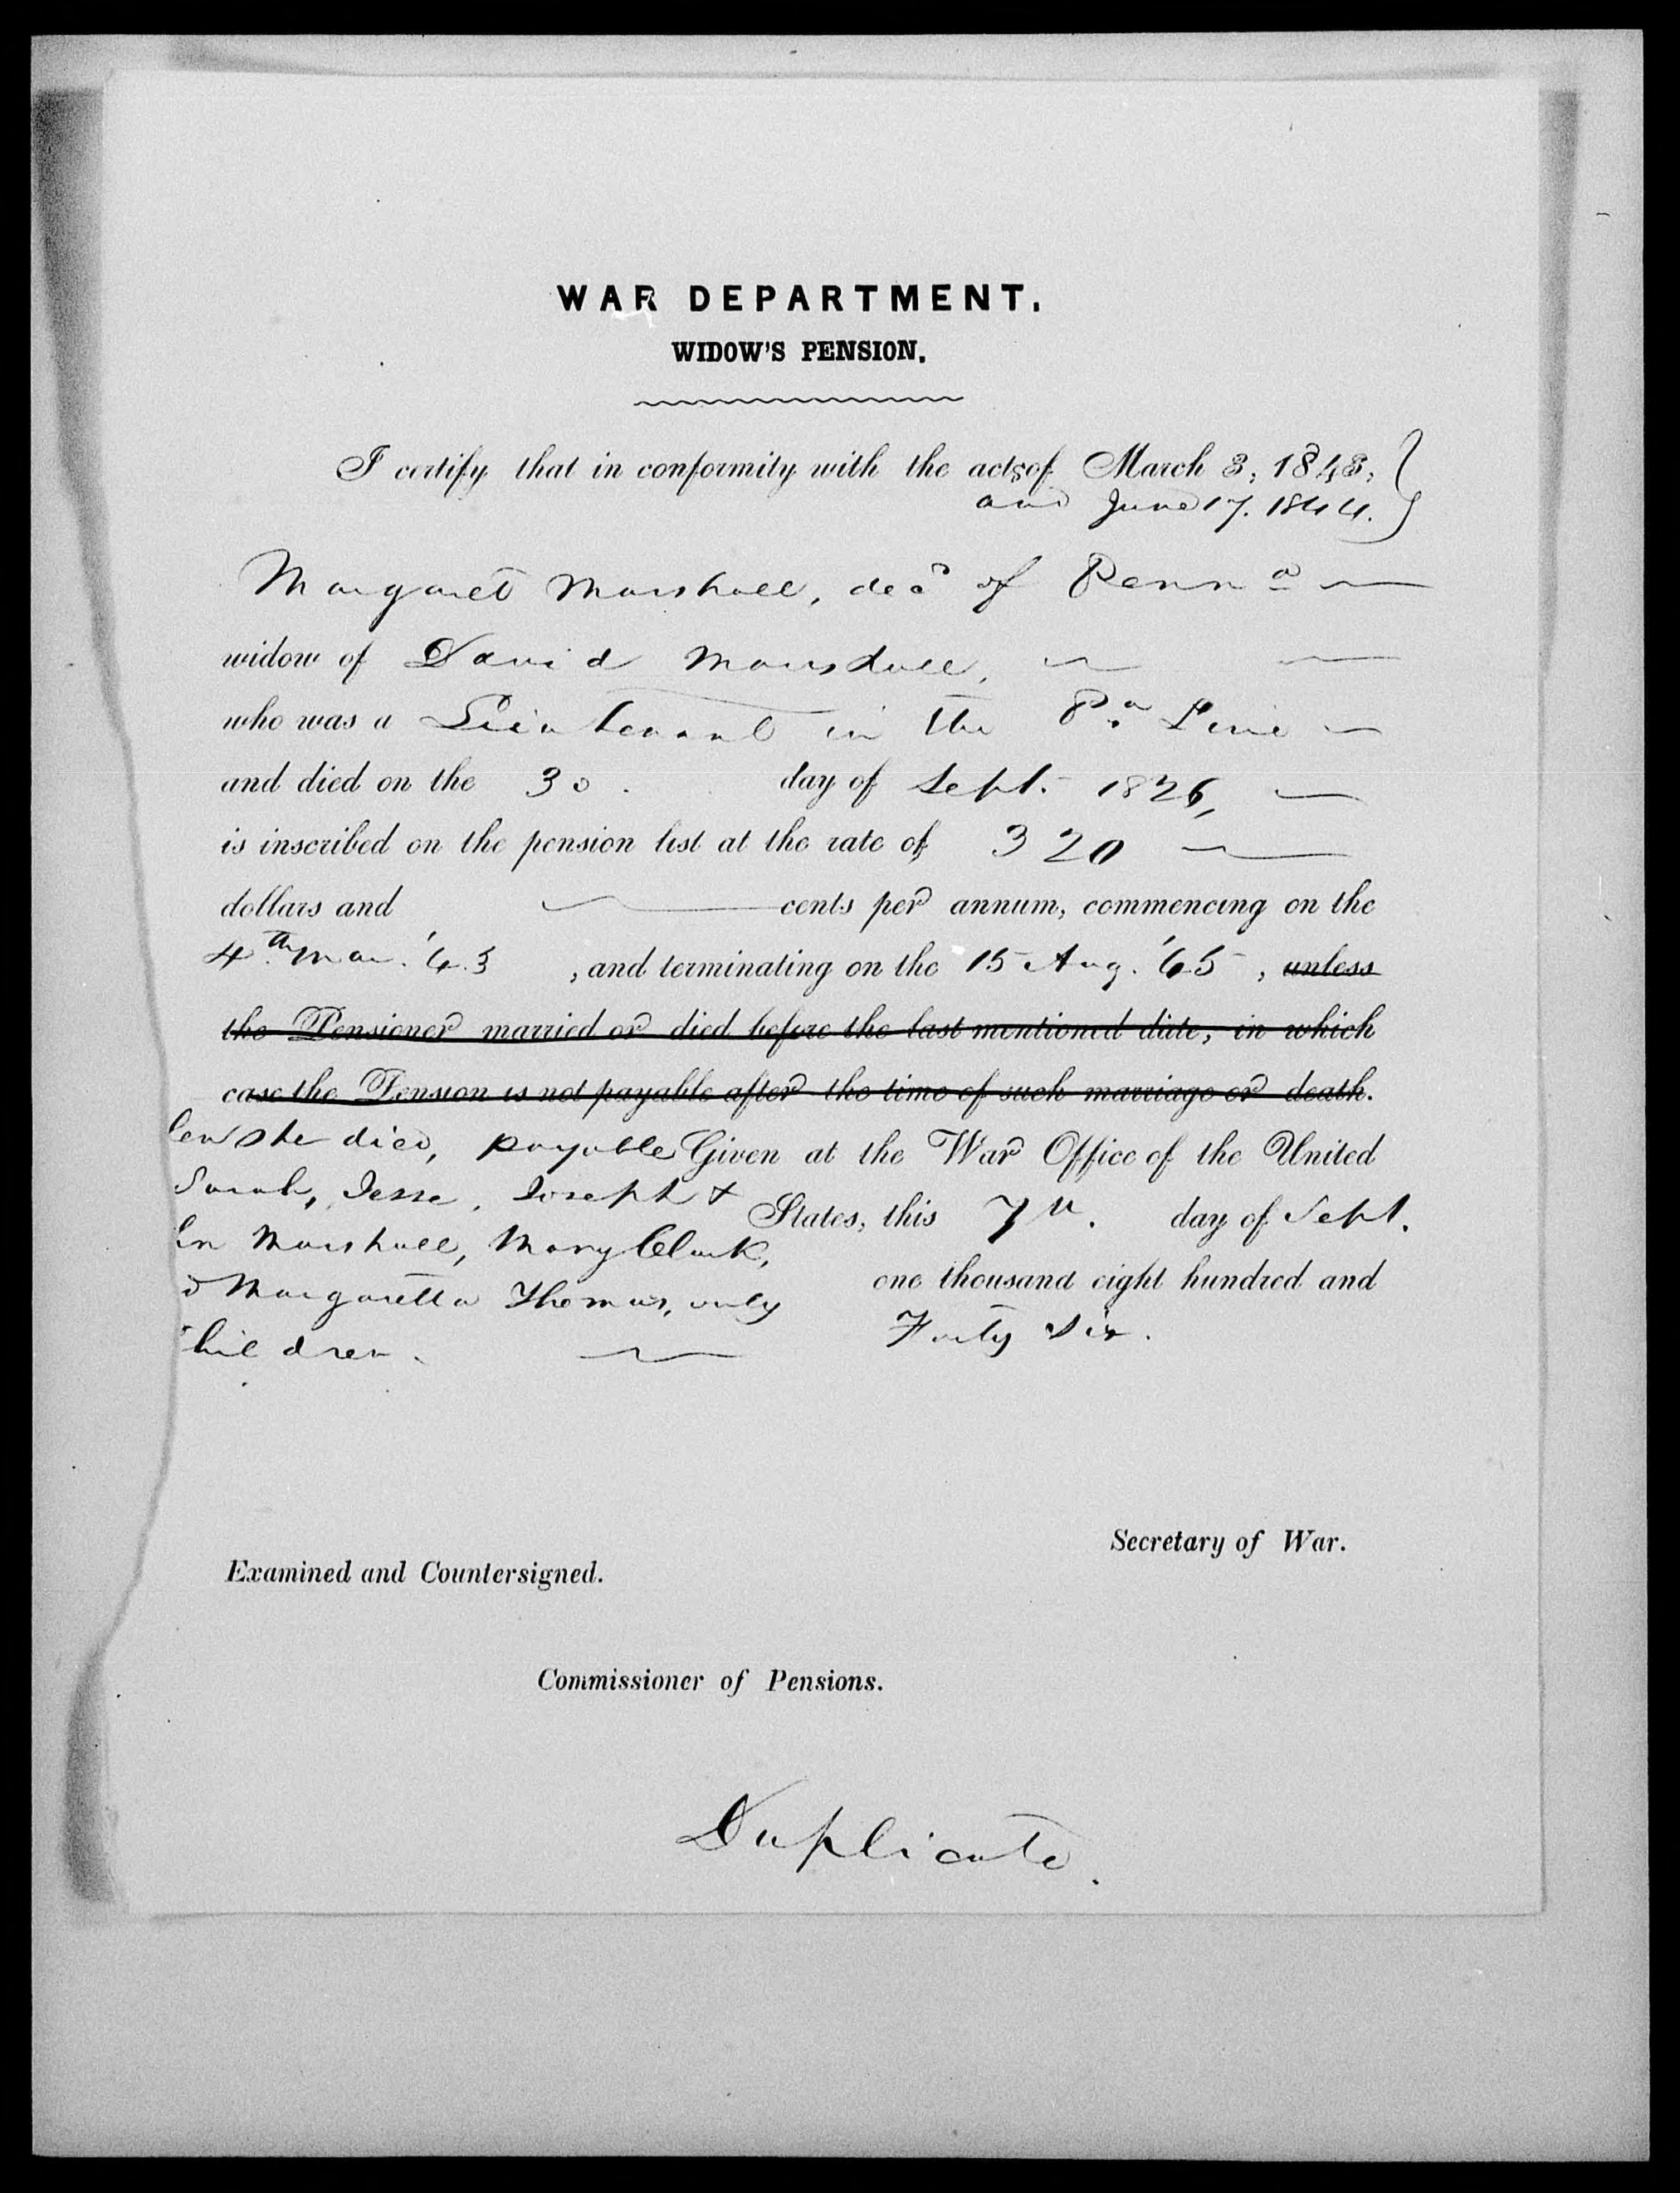WAR DEPARTMENT
WIDOW'S PENSION
----------------------------------

I certify that in conformity with the acts of March 3, 1843 and June 17, 1844

Margaret Marshall, dea of Penn a widow of David Marshall who was a Lieutenant in the Pa. Line and died on the 3rd day of Sept. 1826 is inscribed on the pension list at the rate of 320 dollars and ---- cents per annum, commencing on the 4th Mar '43 and terminating on the 15 Aug. '65 

when she dies, payable Sarah, Jesse, Joseph & hn Marshall, Mary Clark, and Margaretta Thomas only children.

Given at the War Office of the United States this 7th day of Sept. one thousand eight hundred Forty Six.

Secretary of War
Examined and Countersigned.
Commissioner of Pensions.

Duplicate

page: 80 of 86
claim: widow's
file: W. 3571, for David Marshall, Pennsylvania